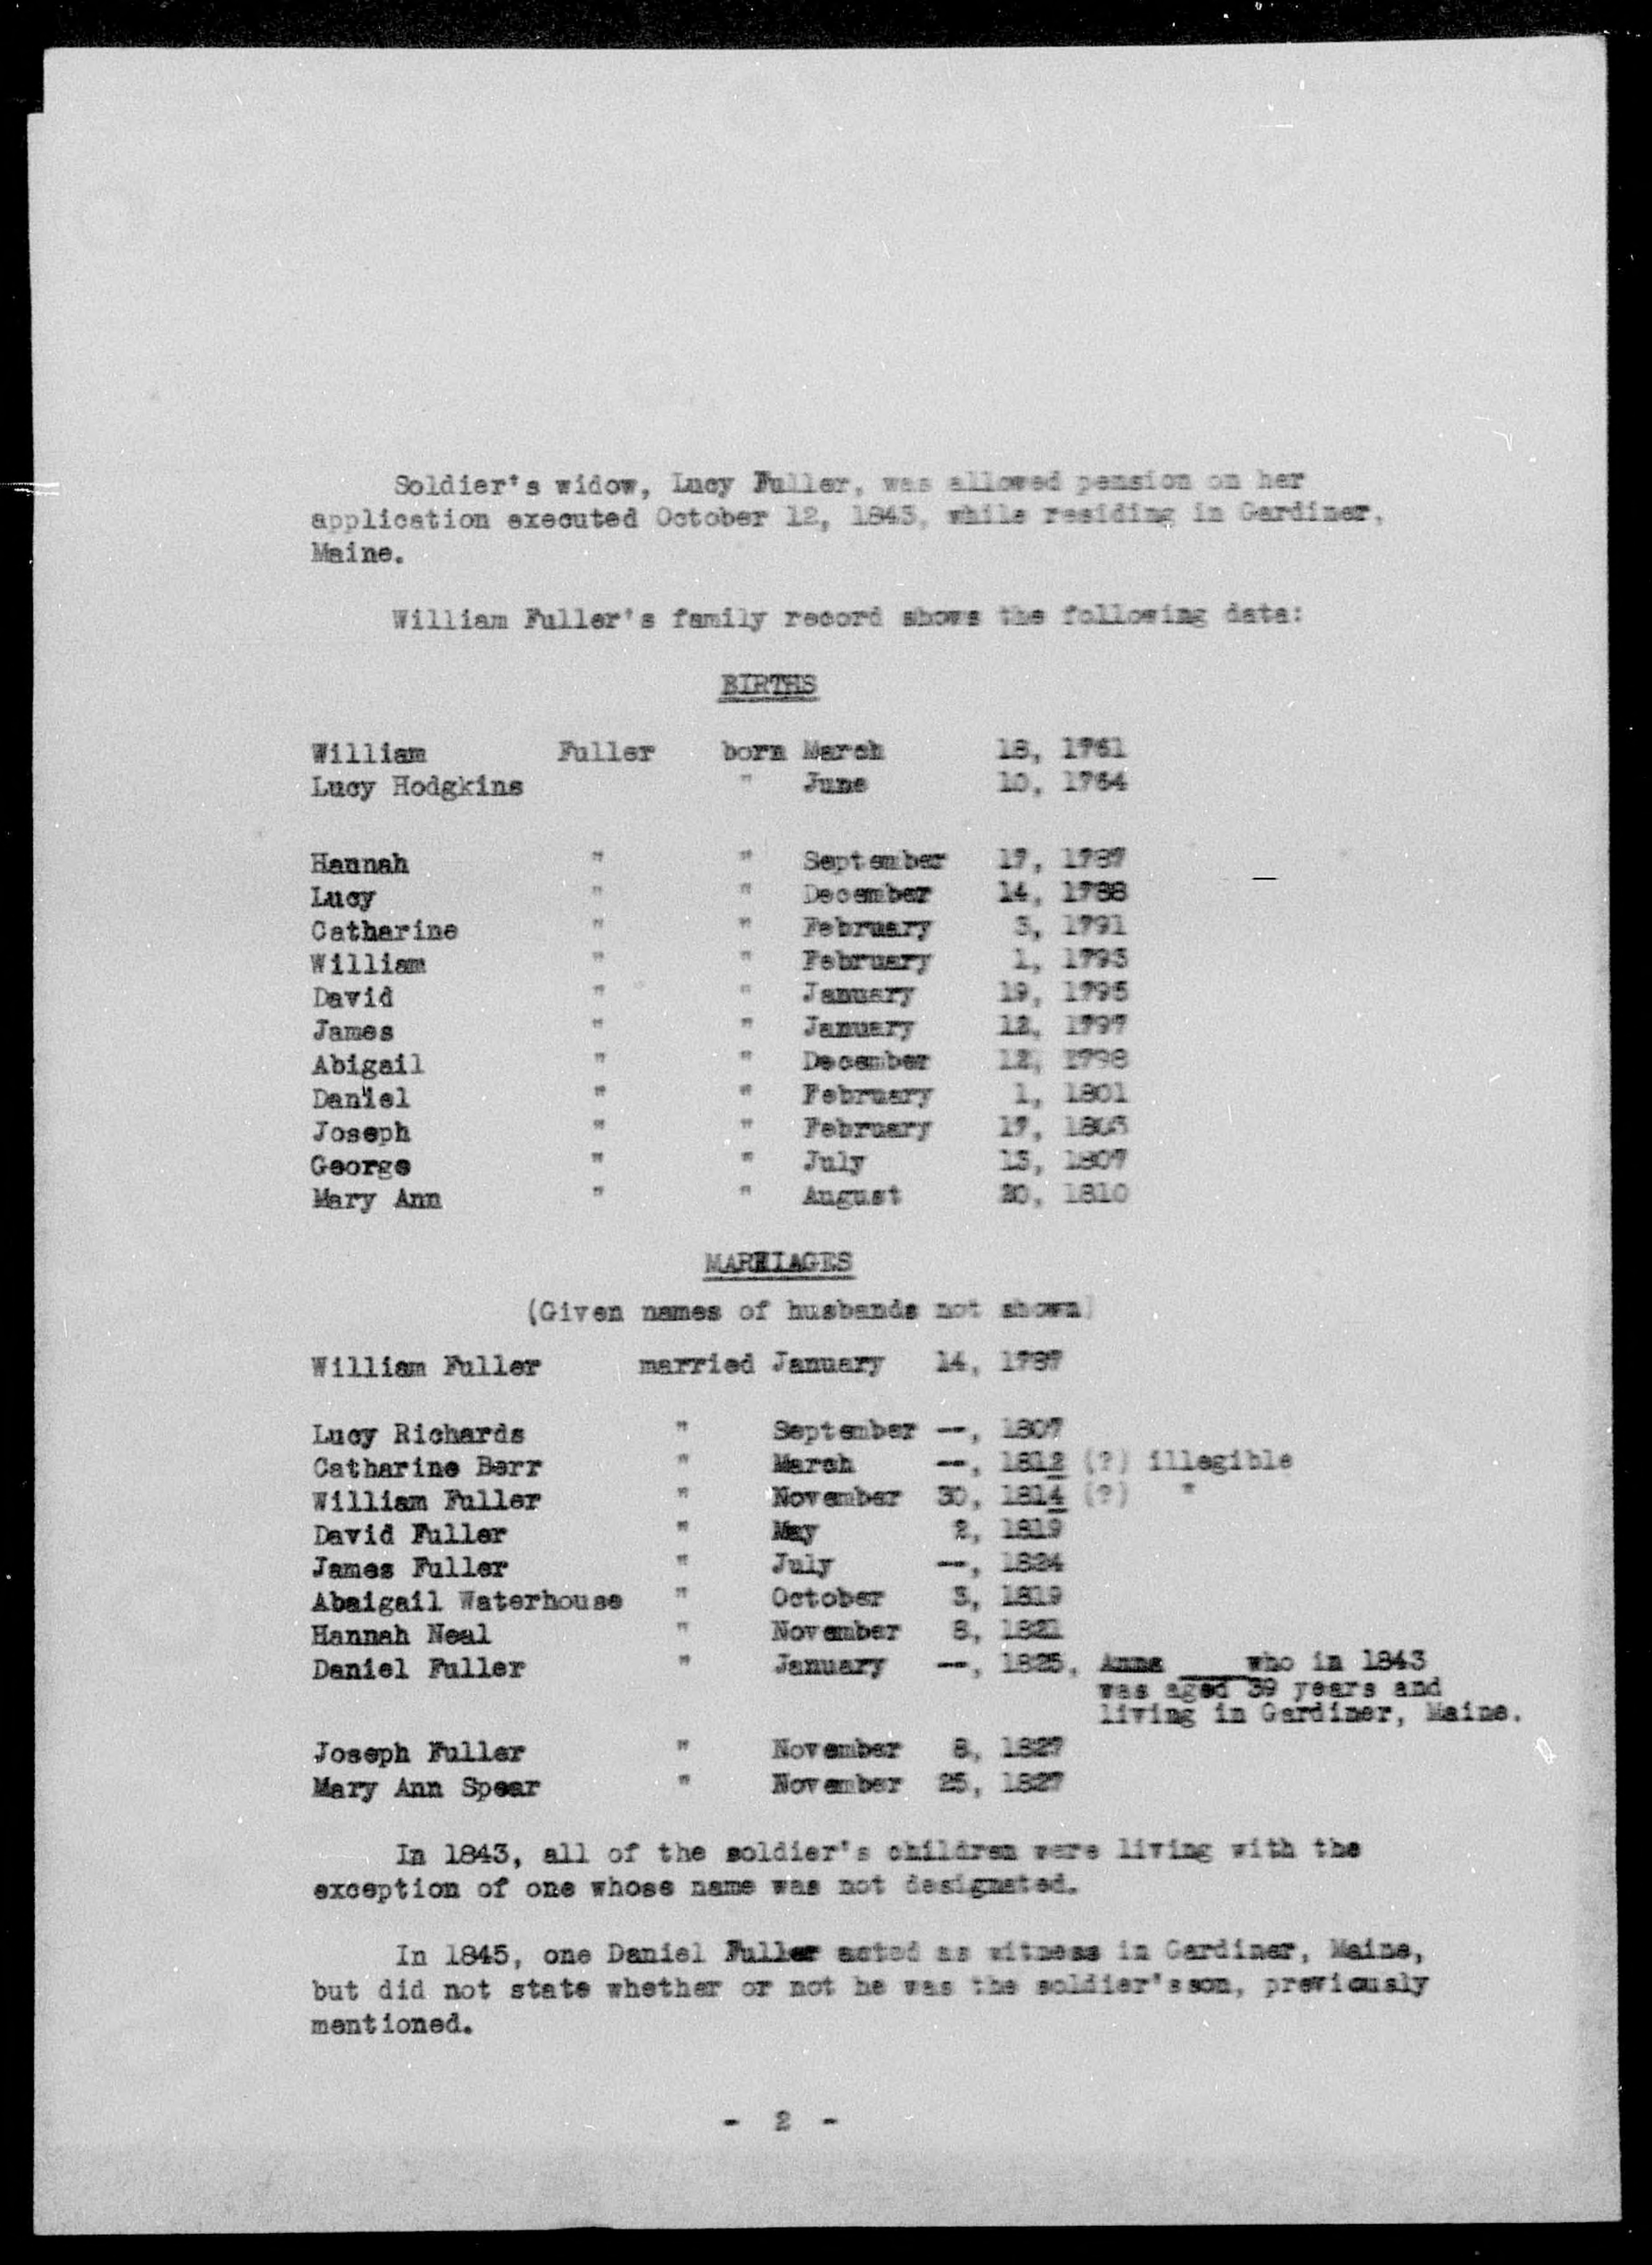Soldier’s widow, Lucy Fuller, was allowed pension on her application executed October 12, 1843, while residing in Gardiner, Maine.
William Fuller’s family record shows the following data:
BIRTHS
William Fuller born March 18, 1761
Lucy Hodgkins  "  June 10, 1764
Hannah  "   "    September 17, 1787
Lucy  "   "    December 14, 1788
Catherine  "   "   February 3, 1791
William   "   "    February 1, 1793
David   "   "   January 19, 1795
James   "   "   January 12, 1797
Abigail   "   "   December 12, 1798
Daniel   "   "    February 1, 1801
Joseph   "    "   February 17, 1803
George   "   "   July 13, 1807
Mary Ann   "   "   August 20, 1810
MARRIAGES
(Given names of husbands not shown)
William Fuller  married January 14th 1787
Lucy Richards   "   September --, 1807
Catherine Berr   "   March --, 181[underlined]2 (?)  illegible
William Fuller   "   November 30, 181[underlined]4 (?)   "
David Fuller   "   May 2, 1819
James Fuller   "   July --, 1824
Abigail Waterhouse   "   October 3, 1819
Hannah Neal   "   November 8, 1821
Daniel Fuller   "   January --, 1825,  Anna ___who in 1843 was aged 39 years and of Gardiner, Maine.

Joseph Fuller   "   November 8, 1827
Mary Ann Spear   "   November 25, 1827

In 1843, all of the soldier's children were living with the exception of one whose name was not designated.
In 1845, one Daniel Fuller acted as witness in Gardiner, Maine, but did not state whether or not he was the soldier’s son, previously mentioned.

-  2  -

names: Abaigail Waterhouse, Mary Ann Spear, Lucy Hodgkins, Hannah Neal, Lucy Fuller, Anna, Lucy Fuller, William Fuller, Catharine Berr, Hannah Fuller, George Fuller, Daniel Fuller, William Fuller, Lucy Richards, James Fuller, James Fuller, Catharine Fuller, Daniel Fuller, William Fuller, Joseph Fuller, Joseph Fuller, Abigail Fuller, David Fuller, Daniel Fuller, David Fuller, Mary Ann Fuller, William Fuller, William Fuller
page: 38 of 45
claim: widow's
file: W. 17933, William Fuller, Mass